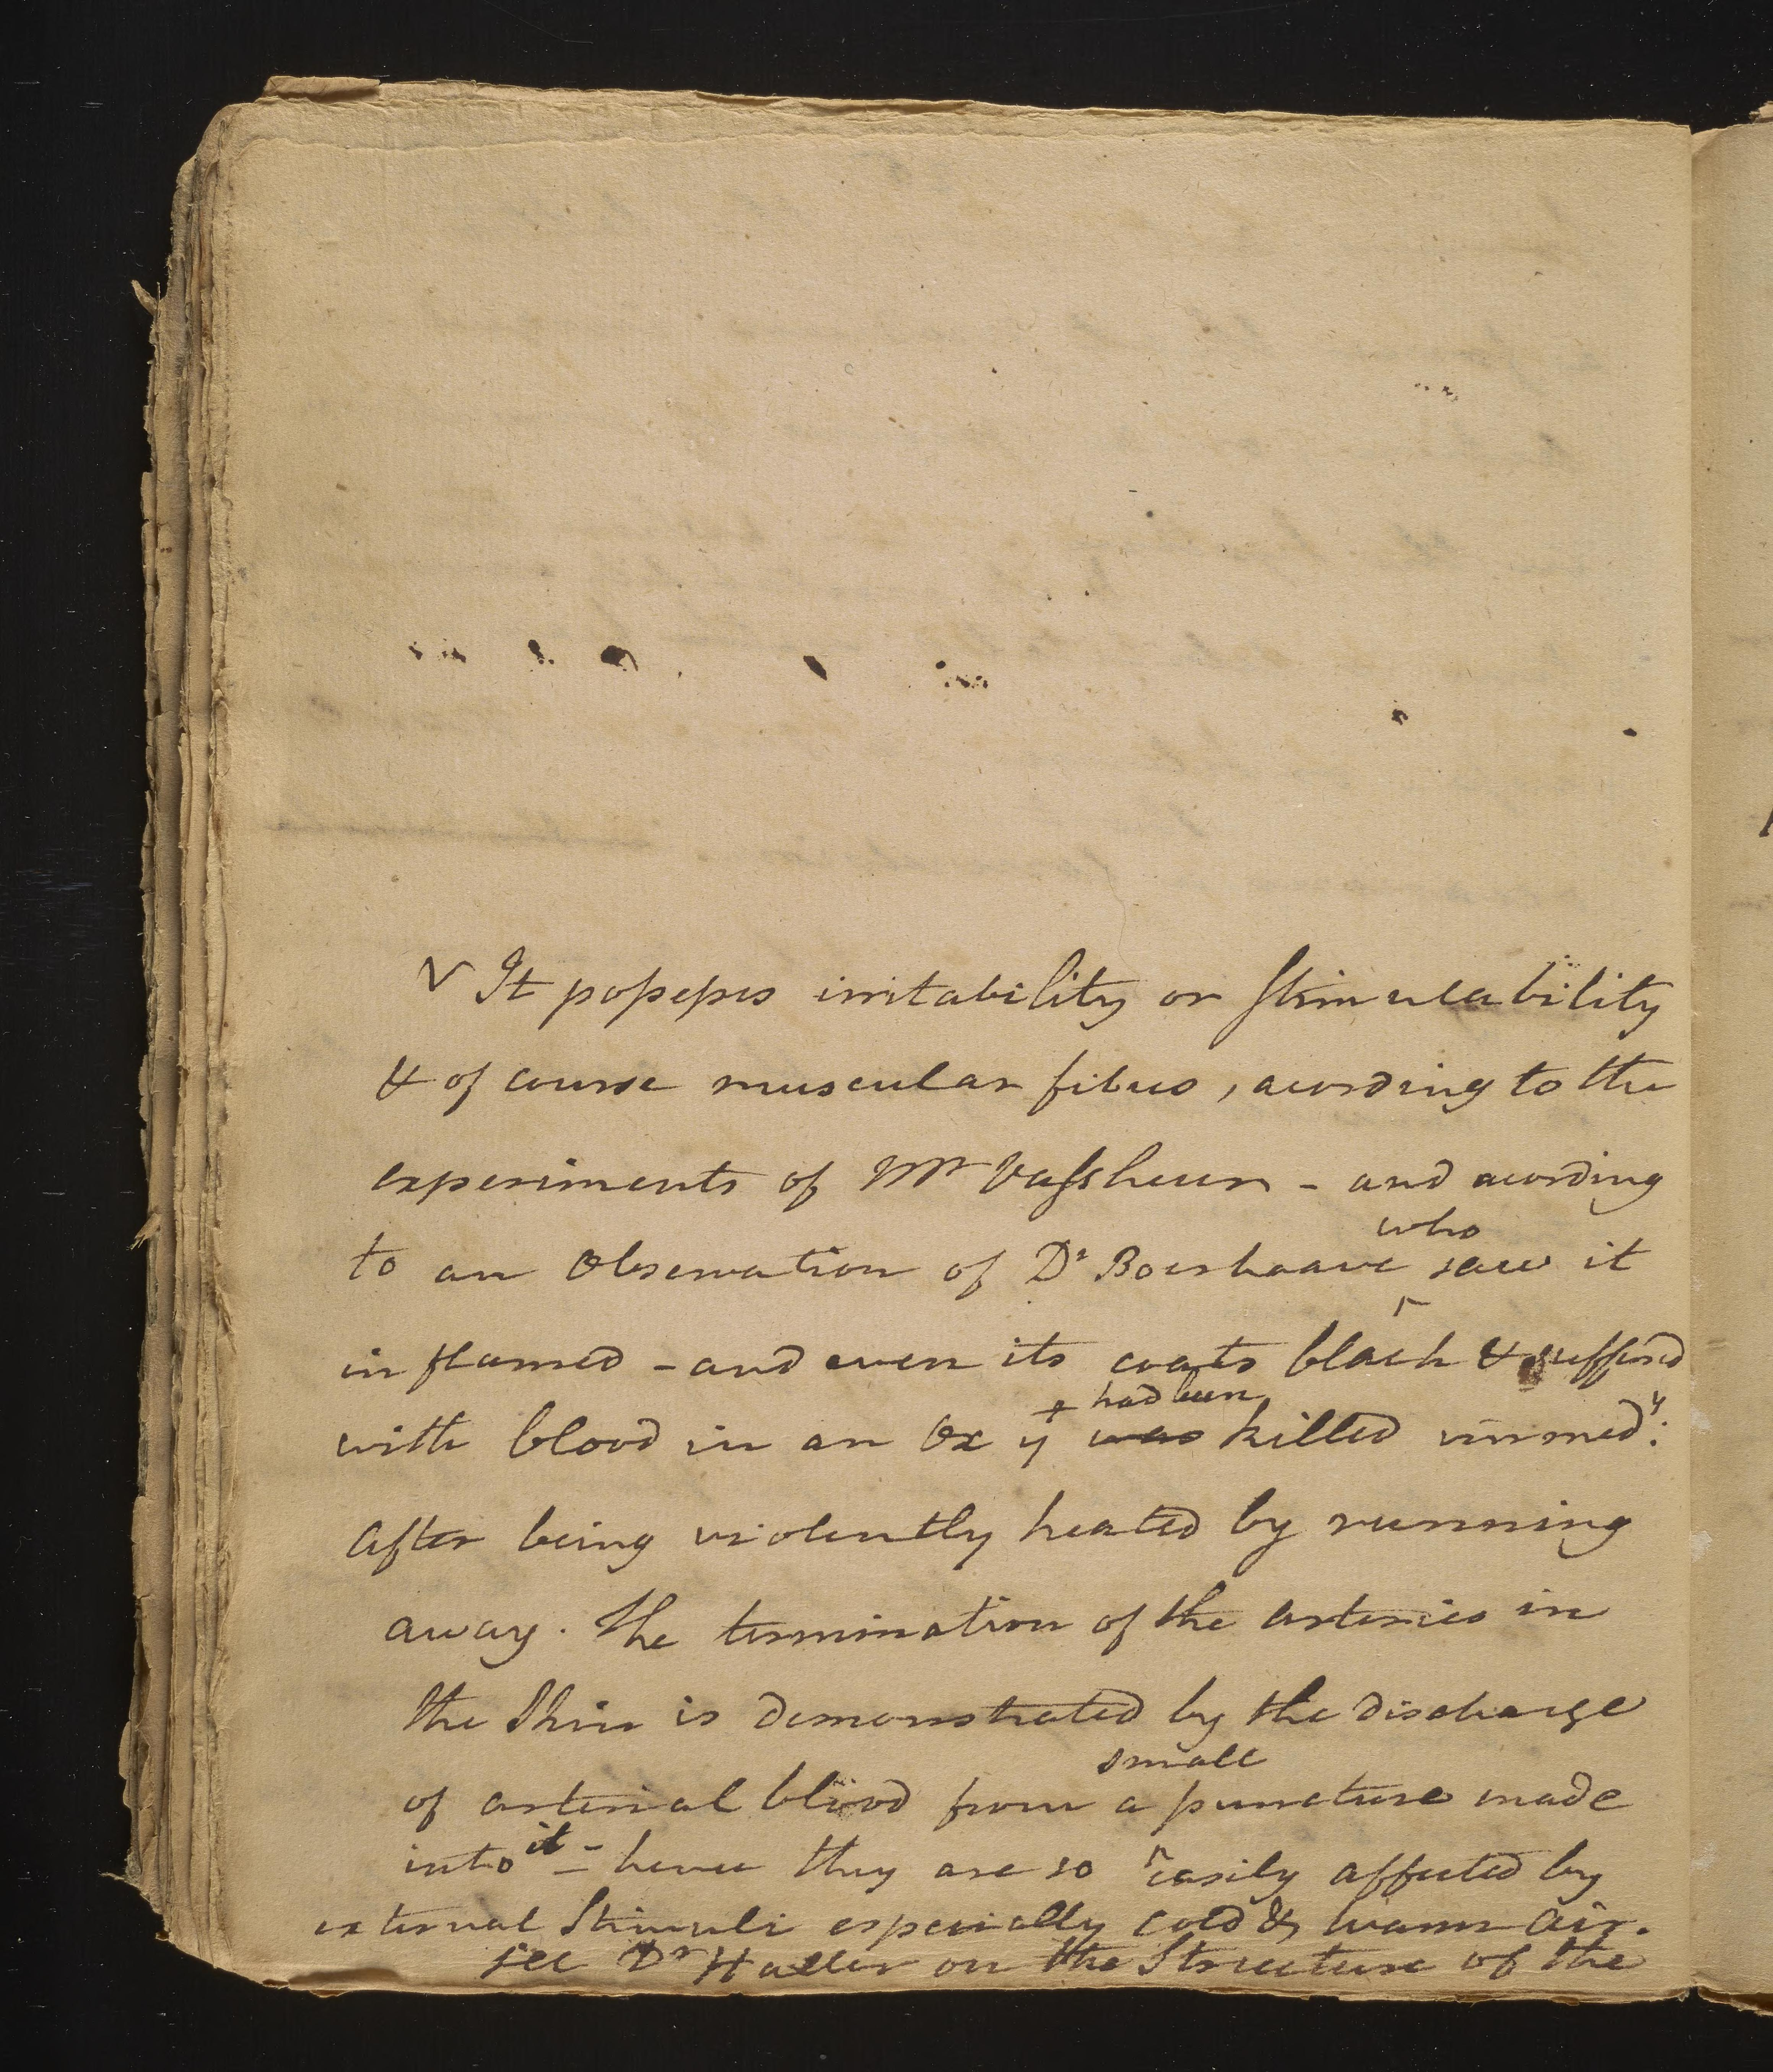V It possesses irritability or stimulability
& of course muscular fibres, according to the
experiments of M^r Vassheun- and according
who
to an Observation of D^r Boerhaave ^ saw it
inflamed, and even its coats black & suffused
had been
with blood in an ox y^t [was] killed remed^y.
after being violently heated by running
away. The termination of the arteries in
the shin is demonstrated by the discharge
small
of arterial blood from a ^ puncture made
into it, here they are so easily affected by
external stimuli especially cold & warm air
per Dr. Haller on the structure of the